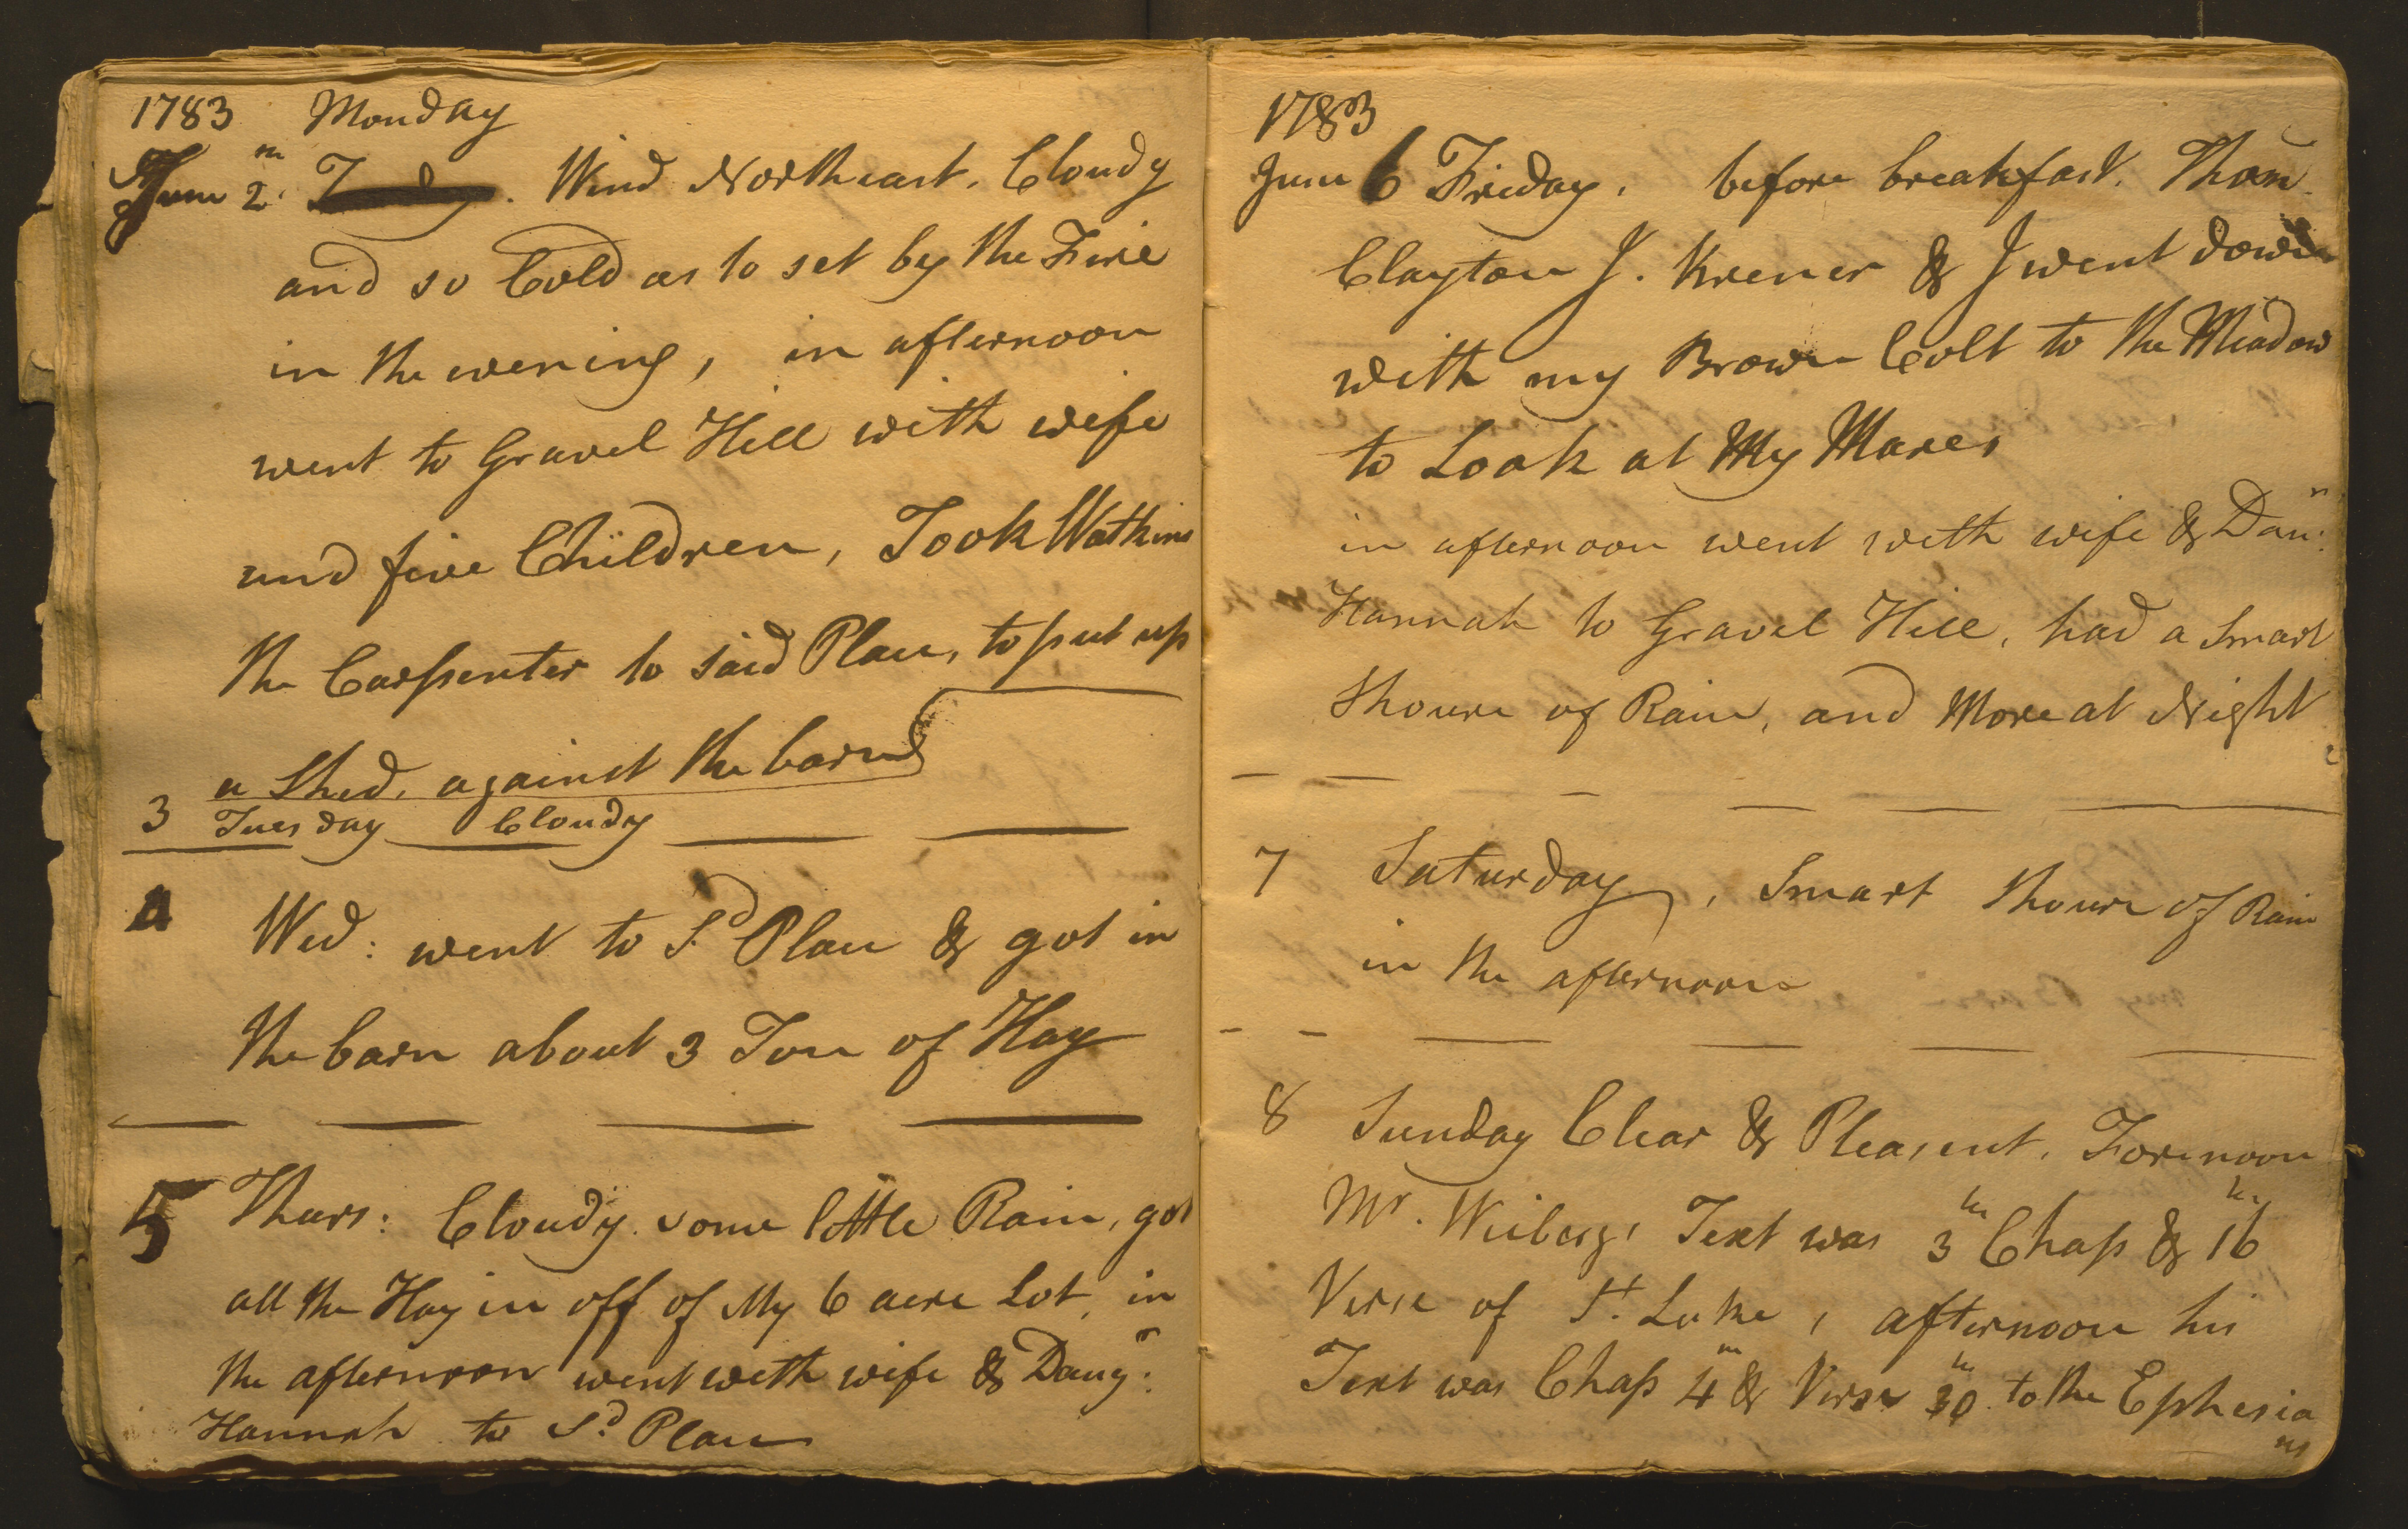1783 Monday
June 2^th. Tuesday Wind Northeast. Cloudy
and so Cold as to set by the Fire
in the evening, in afternoon
went to Gravel Hill with wife
and five Children, Took Watkins
The Carpenter to said Place, to put up
a Shed, against the barn
3 Tuesday Cloudy
4 Wed. went to S^d. Place & got in
the barn about 3 Ton of Hay
5 Thurs: Cloudy. some little Rain, got
all the Hay in off of My 6 acre Lot in
the afternoon went with wife & Daug^r.
Hannah to S^d. Place
1783
June 6 Friday. before breakfast, Thom.
Clayton J. Krener & I went down
with my Brown Colt to the Meadow
to Look at My Mares
in afternoon went with wife & Dau^r.
Hannah to Gravel Hill, had a smart
shoure of Rain, and More at Night
7 Saturday, smart shoure of Rain
in the afternoon
8 Sunday Clear & Pleasent. Forenoon
M^r. Weibergs Text was 3^th Chap & 16^th
Verse of S^t. Luke, afternoon his
Text was Chap 4^th & Verse 30^th. to the Ephesia